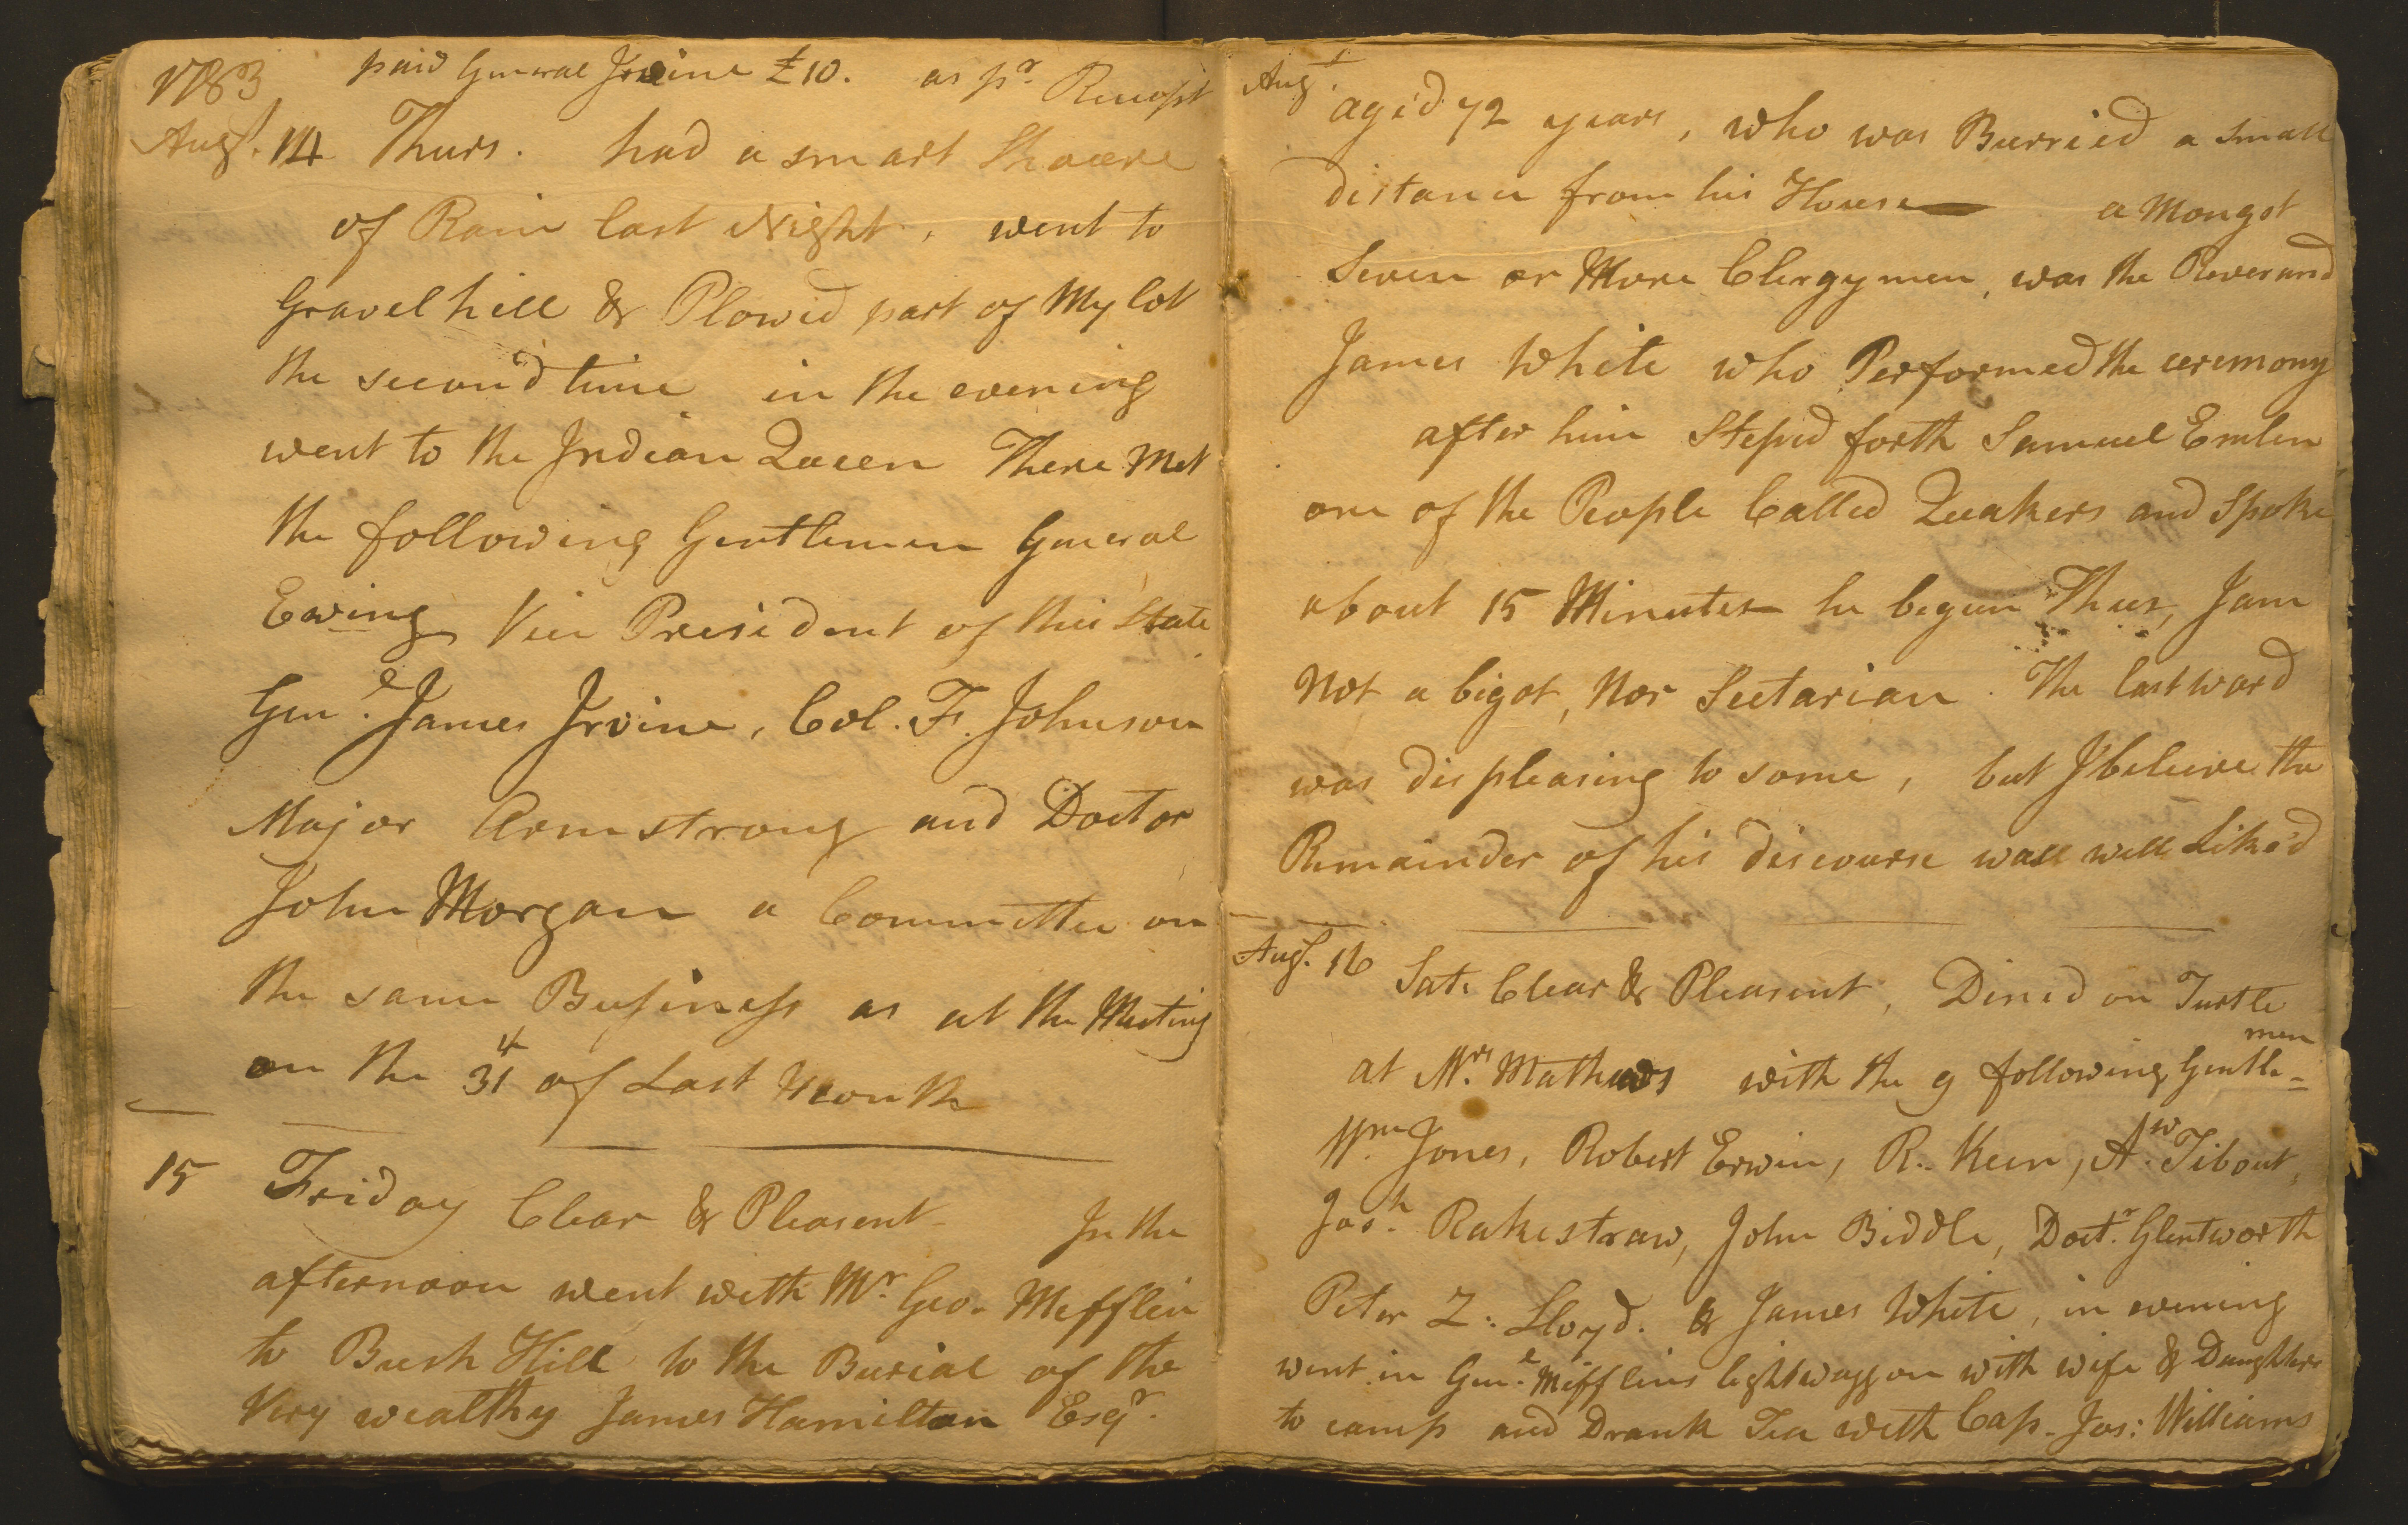1783
paid General Irvine £10. as p^r. Receipt
Aug^t. 14 Thurs. had a smart shoure
of Rain last Night, went to
Gravelhill & Plowed part of My lot
the second time, in the evening
went to the Indian Queen There Met
the following Gentlemen General
Ewing Vice President of this State
Gen^l. James Irvine, Col. F. Johnson
Mayor Armstrong and Doctor or
John Morgan a Committee on
the same Business as at the Meeting
on the 31^th of Last Month
15 Friday Clear & Pleasent In the
afternoon went with M^r. Geo. Mifflin
to Bush Hill to the Burial of the
Very wealthy James Hamilton Esq^r.
Aug^t.
aged 72 years, who was Burried a small
distance from his House a Mongst
Seven or More Clergymen was the Reverand
James White who Performed the ceremony
after him Steped forth Samuel Emlen
one of the People Called Quakers and spoke
about 15 Minutes he begun Thus Iam
Not a bigot Nor Sectarian. The last ward
was displeasing to some, but I believe the
Remainder of his discourse was will Like'd
Aug^t. 16 Sat. Clear & Pleasent, Dined on Turtle
men
at M^rs. Mathews with the 9 following Gentle-
W^m. Jones, Robert Erwin, R. Kun, A^w. Tibout
Jas^h. Rakestraw, John Biddle, Doct^r. Glentworth
Peter Z: Lloyd. & James White, in evening
went in Gen^l. Mifflens lightwaggon with wife & Daughter
to camp and Drank Tea with Cap. Jas: Williams